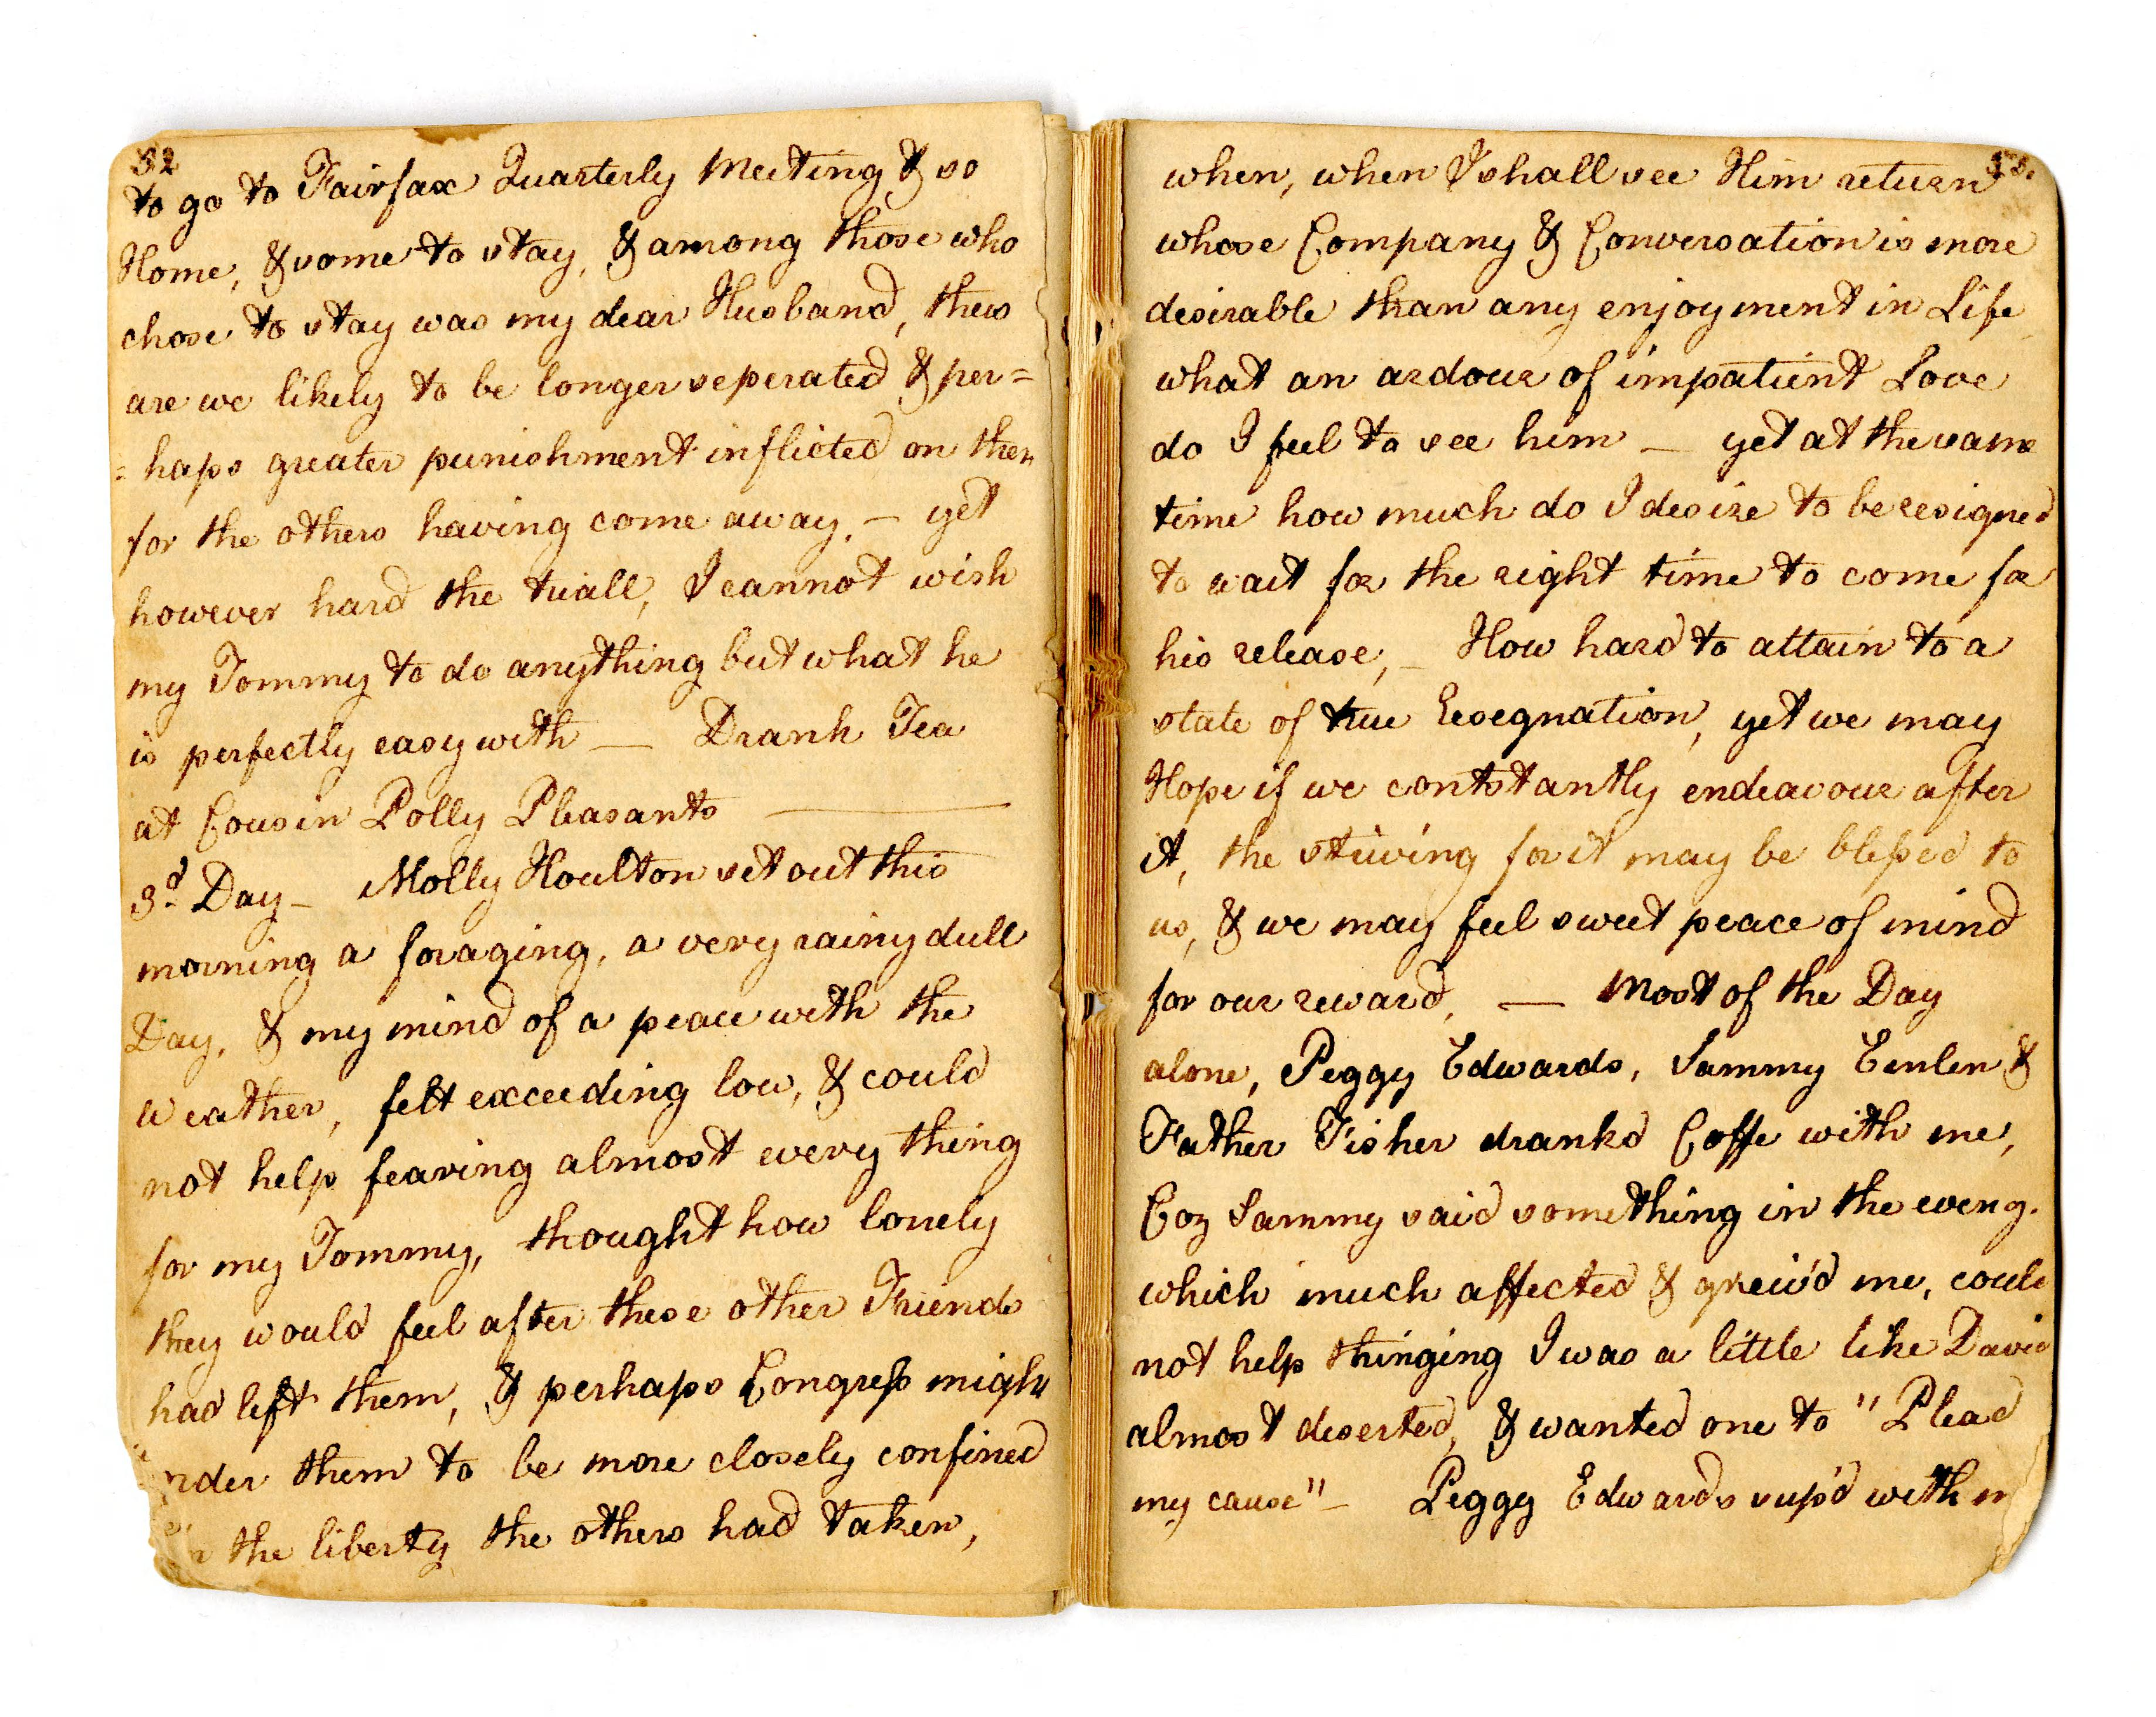52
to go to Fairfax Quarterly Meeting & so
Home, & some to stay, & among those who
chose to stay was my dear Husband, thus
are we likely to be longer seperated & per-
-haps greater punishment inflicted on then
for the others having come away- yet
however hard the triall, I cannot wish
my Tommy to do anything but what he
is perfectly easy with- Drank Tea
at Cousin Polly Pleasants
3^d. Day- Molly Houlton set out this
morning a foraging, a very rainy dull
Day, & my mind of a peace with the
Weather, felt exceeding low, & could
not help fearing almost every thing
for my Tommy, thought how lonely
they would feel after these other Friends
had left them, & perhaps Congress might
order them to be more closely confined
the liberty the others had taken,
when, when I shall see Him return
whose Company & Conversation is more
desirable than any enjoyment in Life
what an ardour of impatient Love
do I feel to see him- yet at the same
time how much do I desire to be resigned
to wait for the right time to come for
his release,- How hard to attain to a
state of true Resegnation, yet we may
Hope if we contstantly endeavour after
it, the striving for it may be blessed to
us, & we may feel sweet peace of mind
for our reward- Most of the Day
alone, Peggy Edwards, Sammy Emlen &
Father Fisher drankd Coffe with me,
Coz Sammy said something in the eveng.
which much affected & greiv'd me, could
not help thinging I was a little like David
almost deserted, & wanted one to "Plead
my cause"- Peggy Edwards sup'd with m